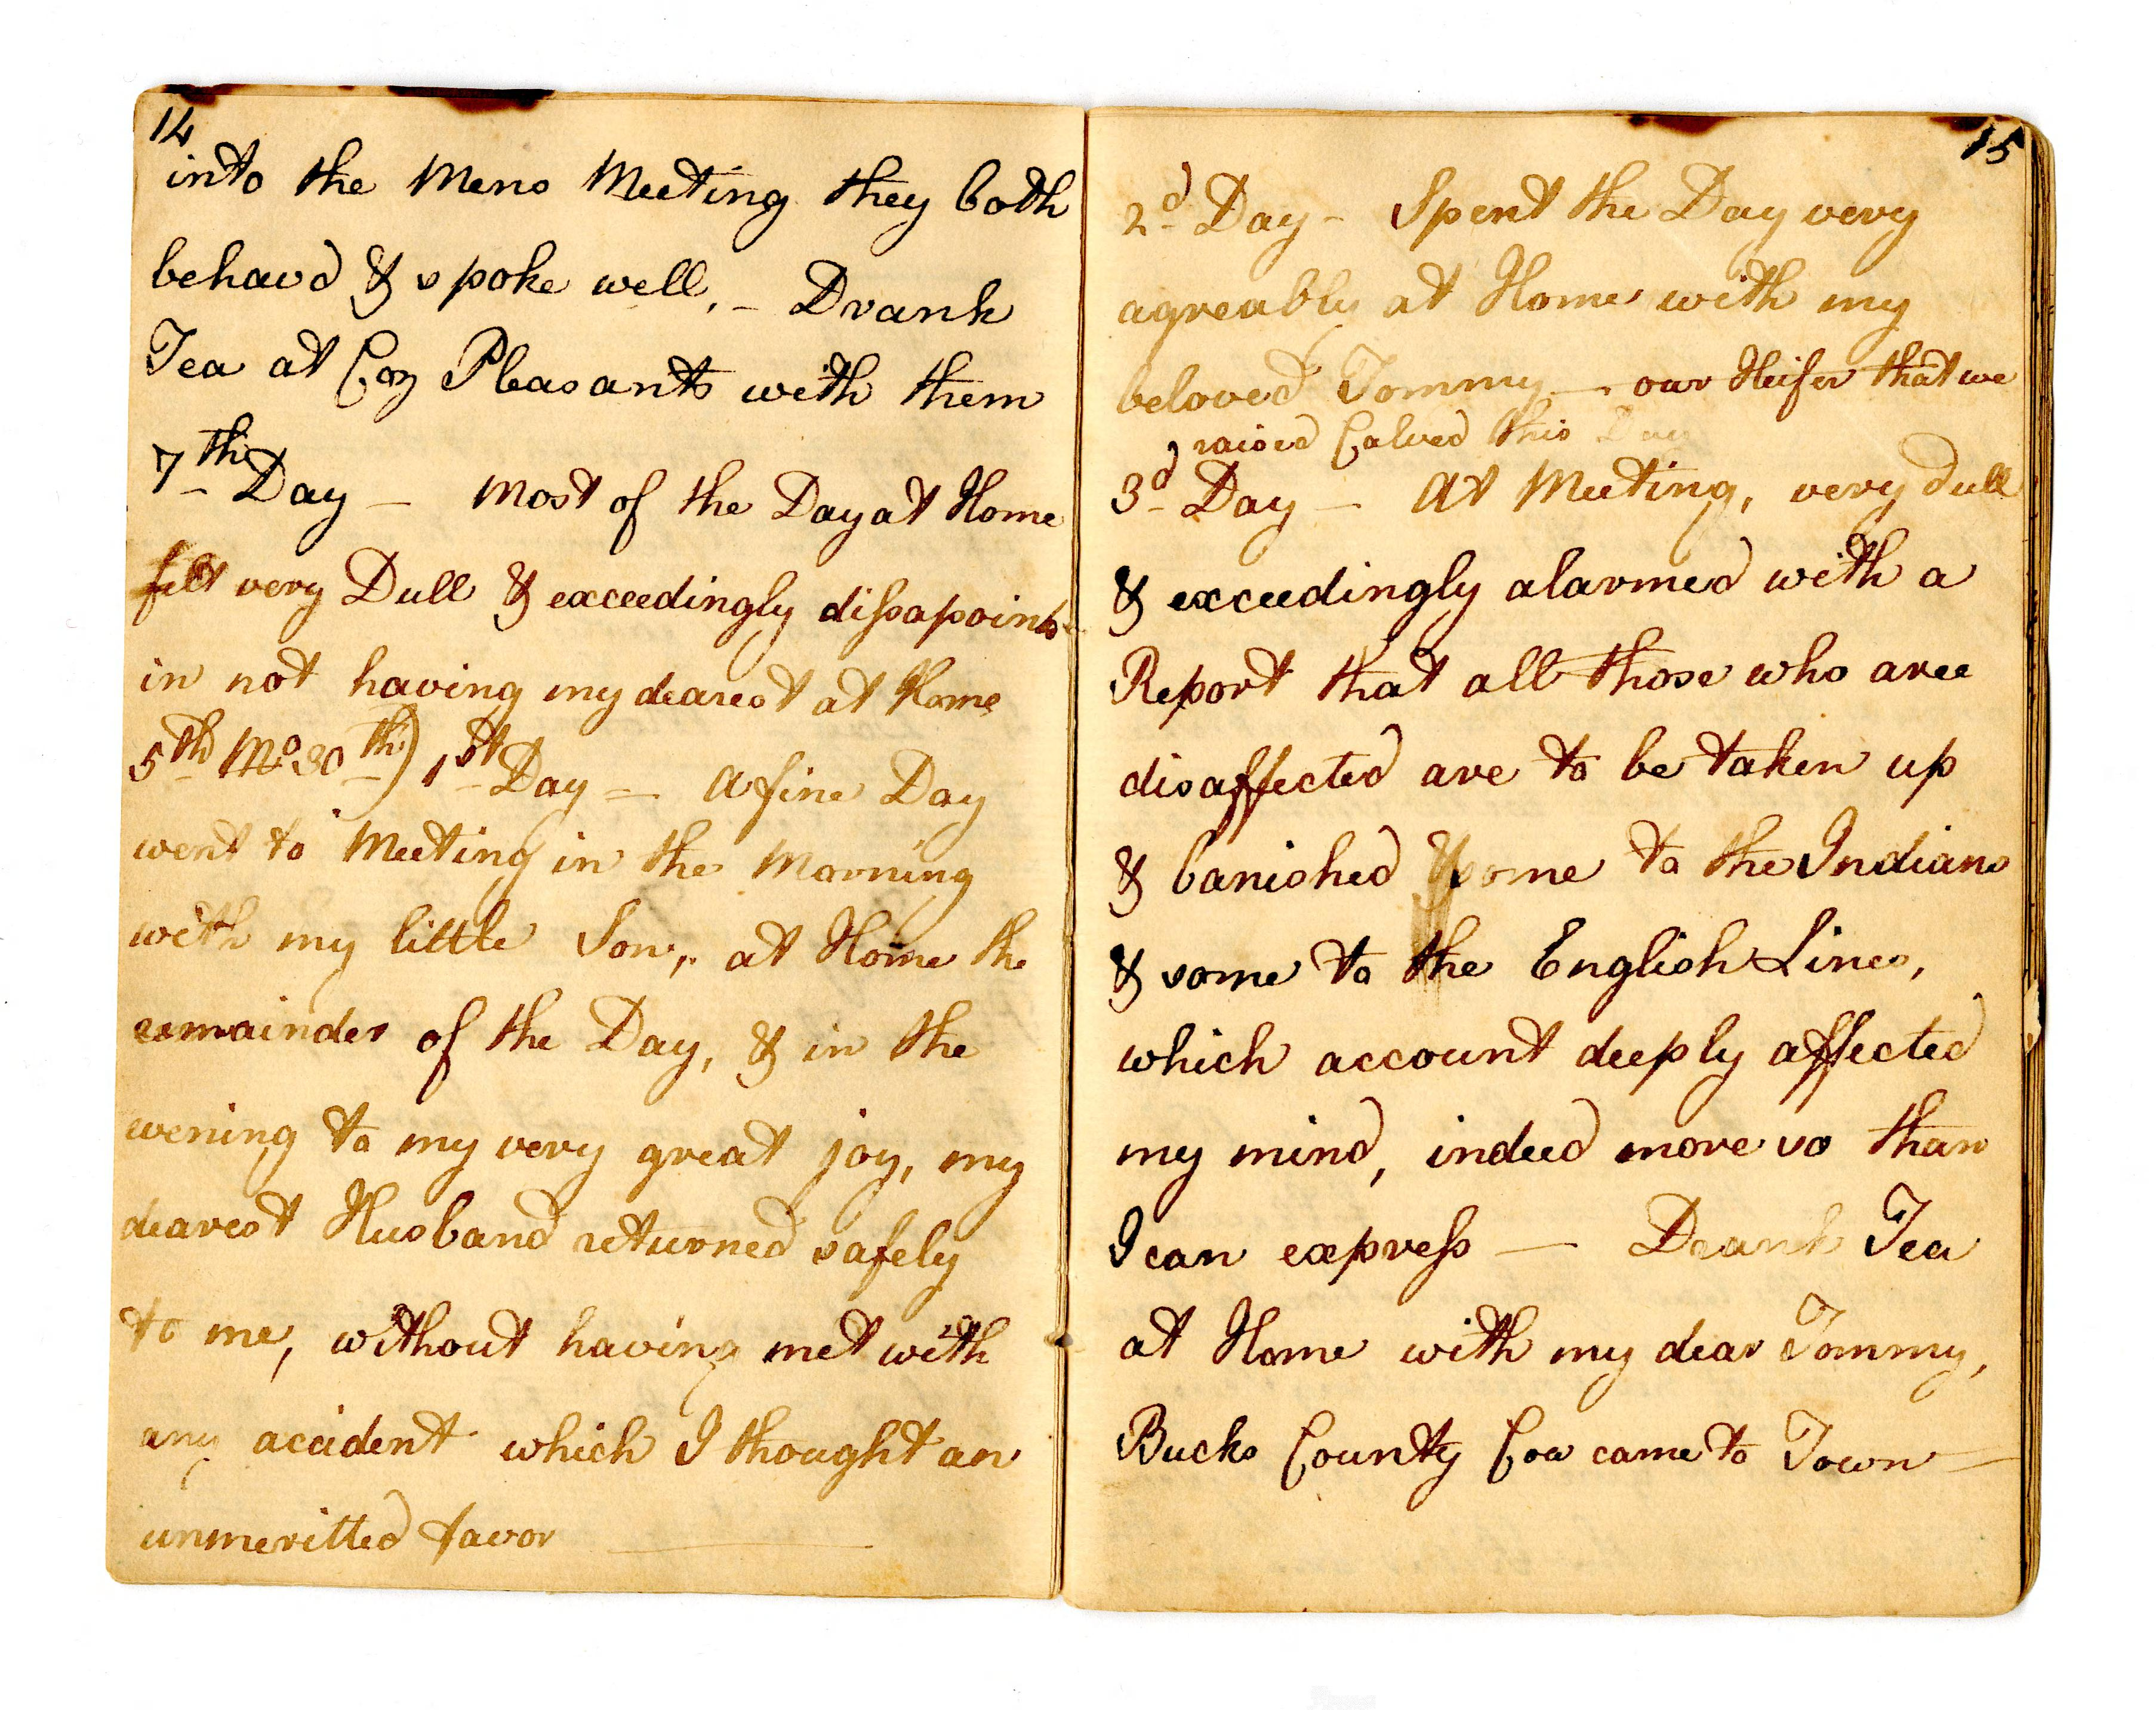14
into the Mens Meeting they both
behavd & spoke well,- Drank
Tea at Coz Pleasants with them
7^th Day- most of the Day at Home
felt very Dull & exceedingly dissapoint
in not having my dearest at Home
5^th M^o 30^th) 1^st Day- A fine Day
went to Meeting in the Morning
with my little Son, at Home the
remainder of the Day, & in the
evening to my very great joy, my
dearest Husband returned safely
to me, without having met with
any accident which I thought an
unmeritted favor
15
2^d. Day- Spent the Day very
agreably at Home with my
beloved Tommy- our Heifer that we
raised Calved this Day
3^dDay- At Meeting, very dull
& exceedingly alarmed with a
Report that all those who aree
disaffected are to be taken up
& banished & some to the Indians
& some to the English Lines,
which account deeply affected
my mind, indeed more so than
I can express- Drank Tea
at Home with my dear Tommy,
Bucks County Cow came to Town